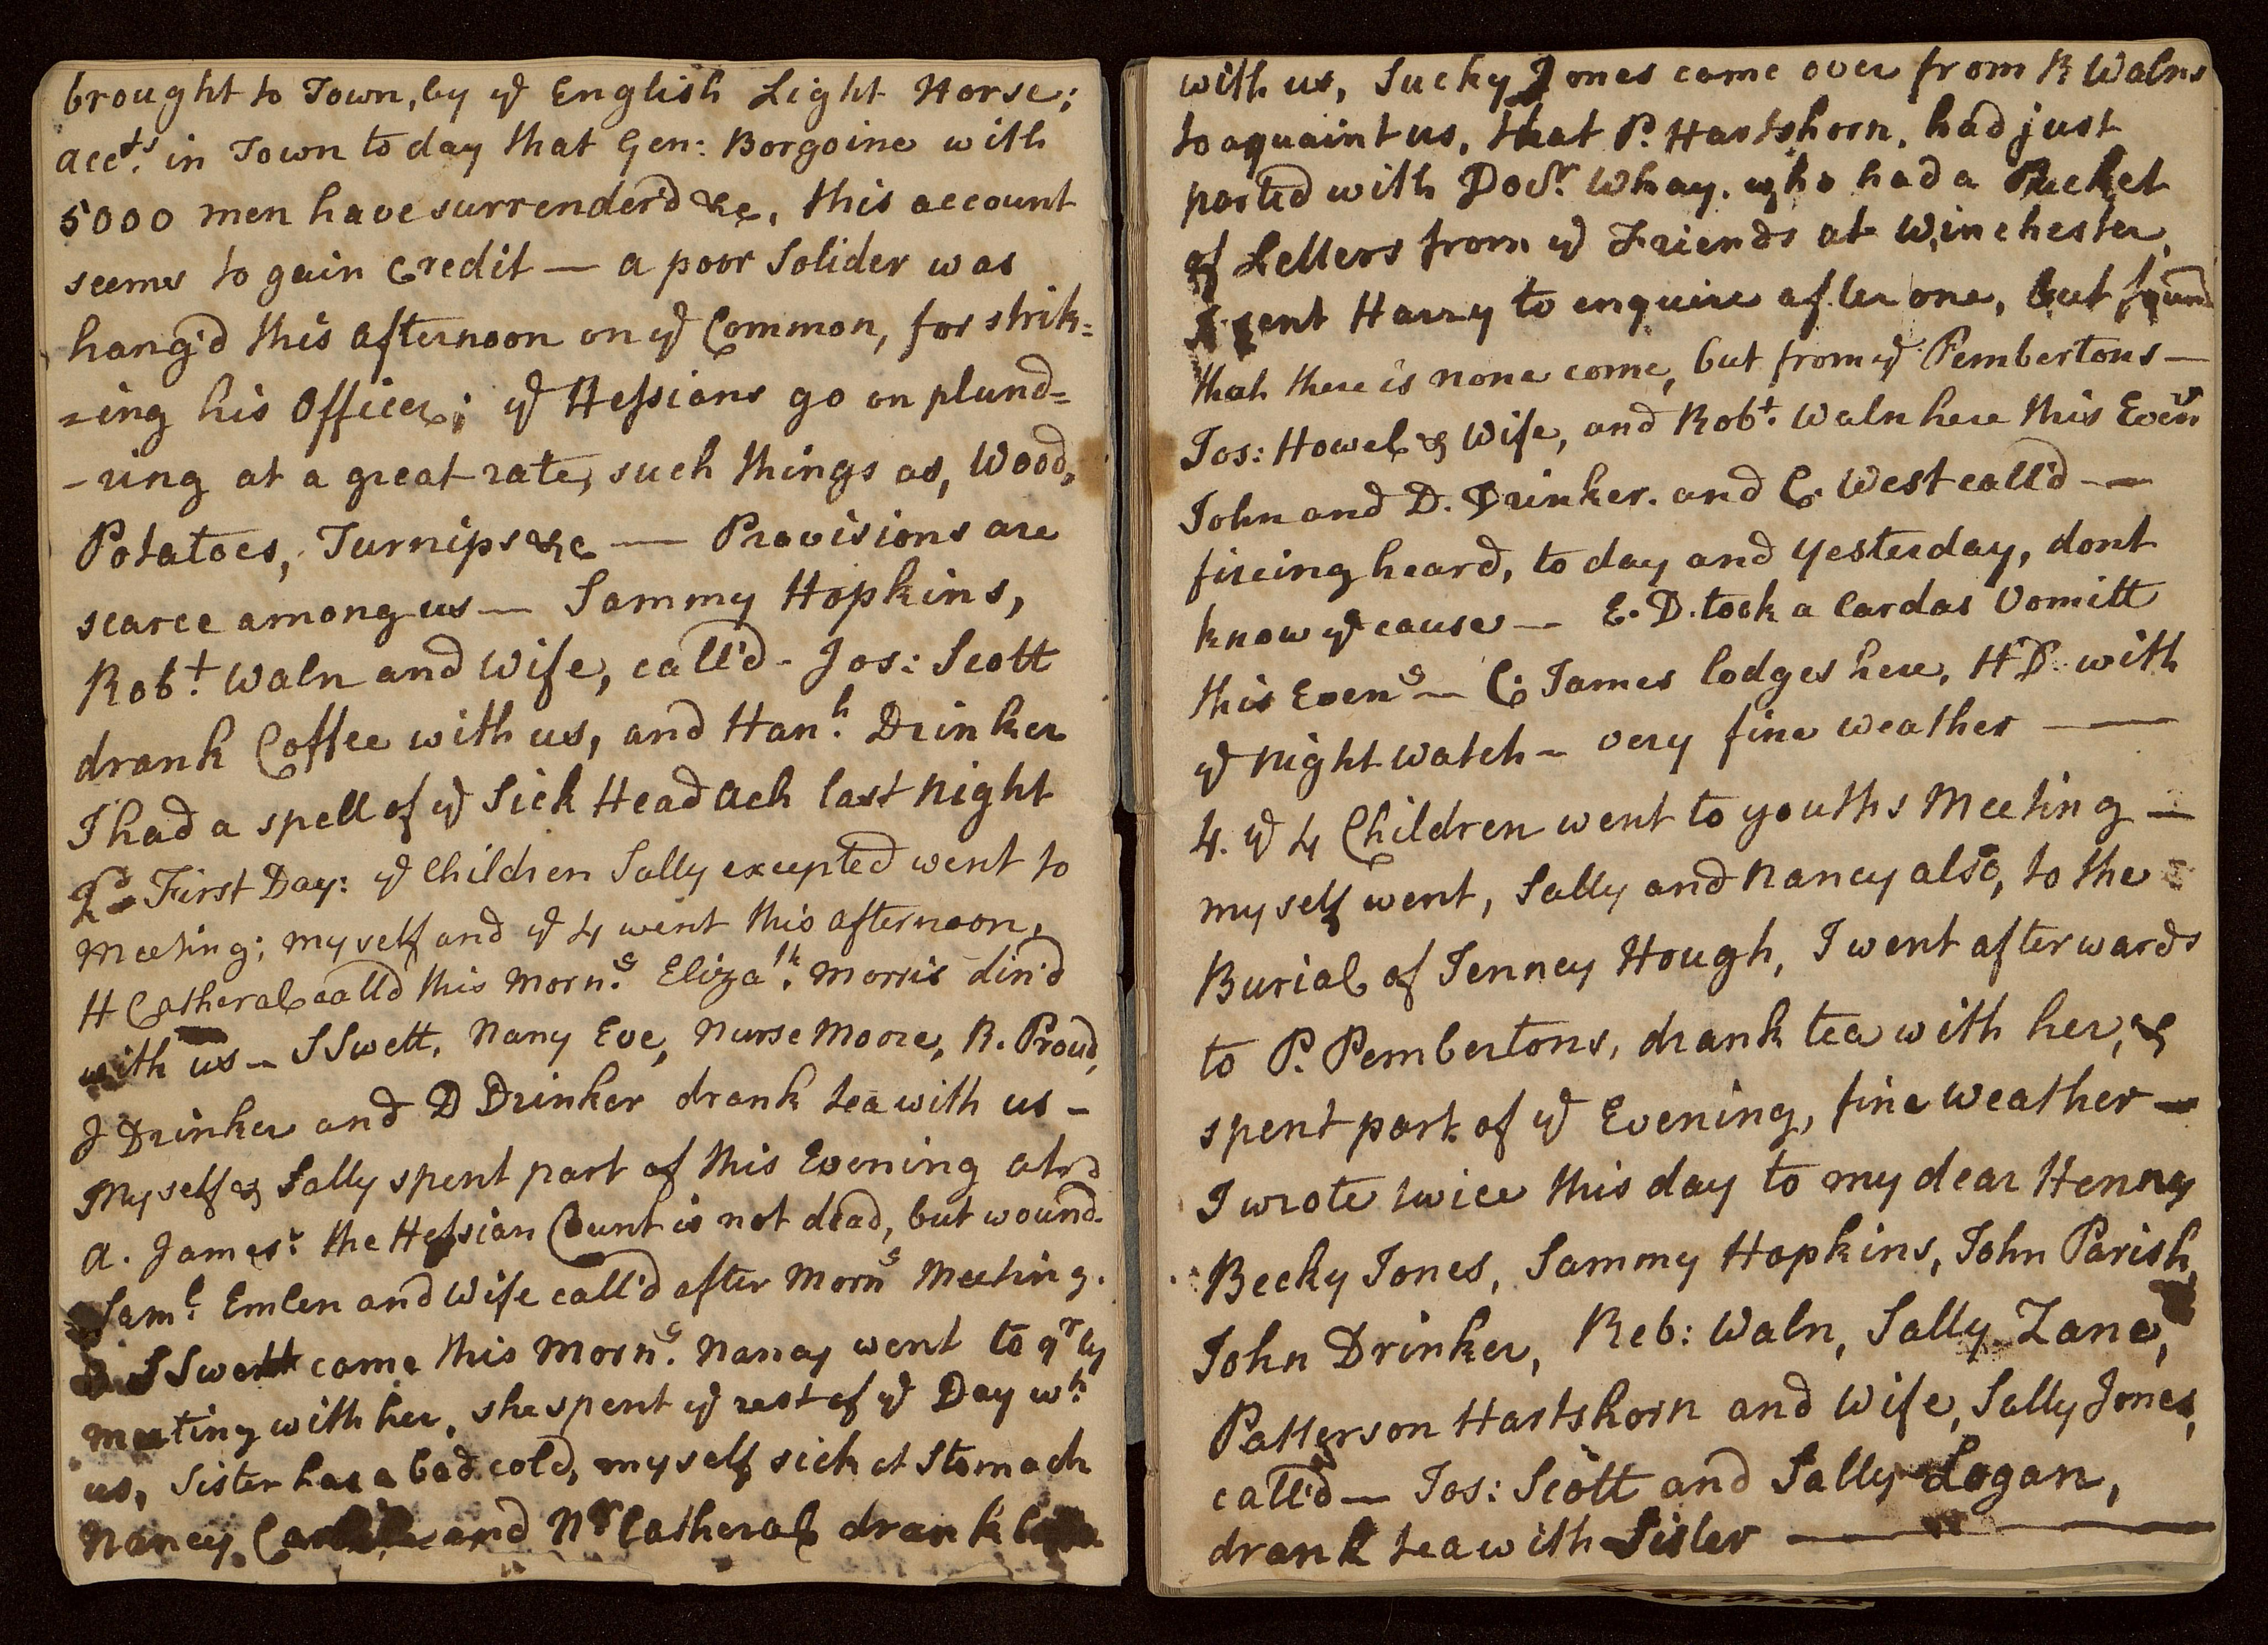brought to Town, by y^e English Light Horse:
acc^ts. in Town to day that Gen: Borgoine with
5000 men have surrender'd &e, this account
seems to gain credit- a poor Solider was
hang'd this Afternoon on y^e Common, for strik-
-ing his Officer; y^e Hessians go on plund-
-ung at a great rate, such things as, Wood,
Potatoes, Turnips &c - Provisions are
scarce among us- Sammy Hopkins,
Rob^t. Waln and Wife, call'd. Jos: Scott
drank Coffee with us, and Han^h Drinker
I had a spell of y^e Sick Head Ach last night
2^d. First Day: y^e Children Sally excepted went to
Meeting; myself and y^e 4 went this afternoon,
H Catheral calld this morn^g. Eliza^th. Morris din'd
with us- S Swett, Nany Eve, Nurse Moore, R. Proud,
J Drinker and D Drinker drank tea with us-
Myself & Sally spent part of this Evening at
A. James^s. the Hessian Count is not dead, but wound.
Sam^l. Emlen and Wife call'd after morn^g meeting.
3. S Swett came this morn^g. Nancy went to q^rly
m[ee]ting with her, she spent y^e rest of y^e Day w^h.
us, Sister has a bad cold, myself sick at Stomach
Nancy Carlile and N^r Catheral drank Coffe
with us, Sucky Jones came over from R Walns
to aquaint us, that P. Hartshorn, had just
parted with Doc^r. Whay. who had a Pucket
of Letters from y^e Friends at Wiinchester,
I sent Harry to enquire after one, but found
that there is none come, but from y^e Pembertons-
Jos: Howel & Wife, and Rob^t. Waln here this Even^g
John and D. Drinker. and C. West call'd-
fireing heard, to day and yesterday, dont
know y^e causes- E.D. took a Cardas Vomitt
this Even^g- C. James lodges here, HD. with
y^e night Watch- very fine weather-
4. y^e 4 Children went to youths Meeting-
my self went, Sally and Nancy also, to the
Burial of Jenney Hough, I went after wards
to P. Pembertons, drank tea with her, &
spent part of y^e Evening, fine weather-
I wrote twice this day to my dear Henry
Becky Jones, Sammy Hopkins, John Parish,
John Drinker, Reb: Waln, Sally Zane,
Patterson Hartshorn and Wife, Sally Jones,
call'd- Jos: Scott and Sally Logan,
drank tea with Sister